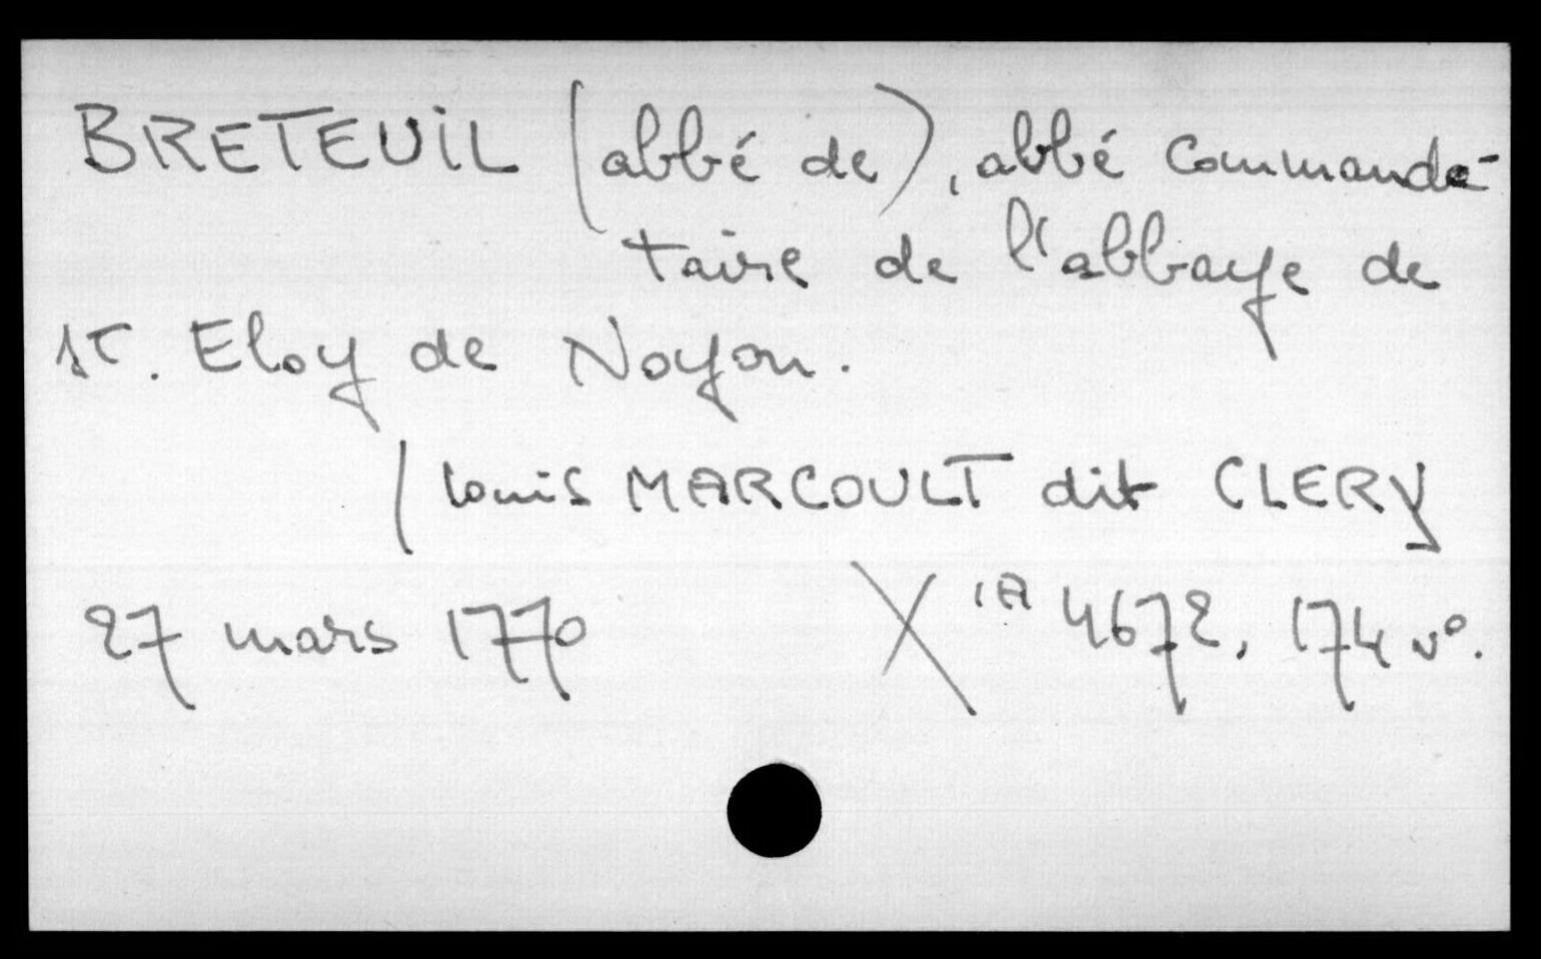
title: BRETEUIL (abbé de), abbé commandataire de l'abbaye de Saint-Éloy de Noyon.
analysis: Contre Louis MARCOULT dit CLERY
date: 27 mars 1770
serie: X1A
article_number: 4672
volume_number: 174v
